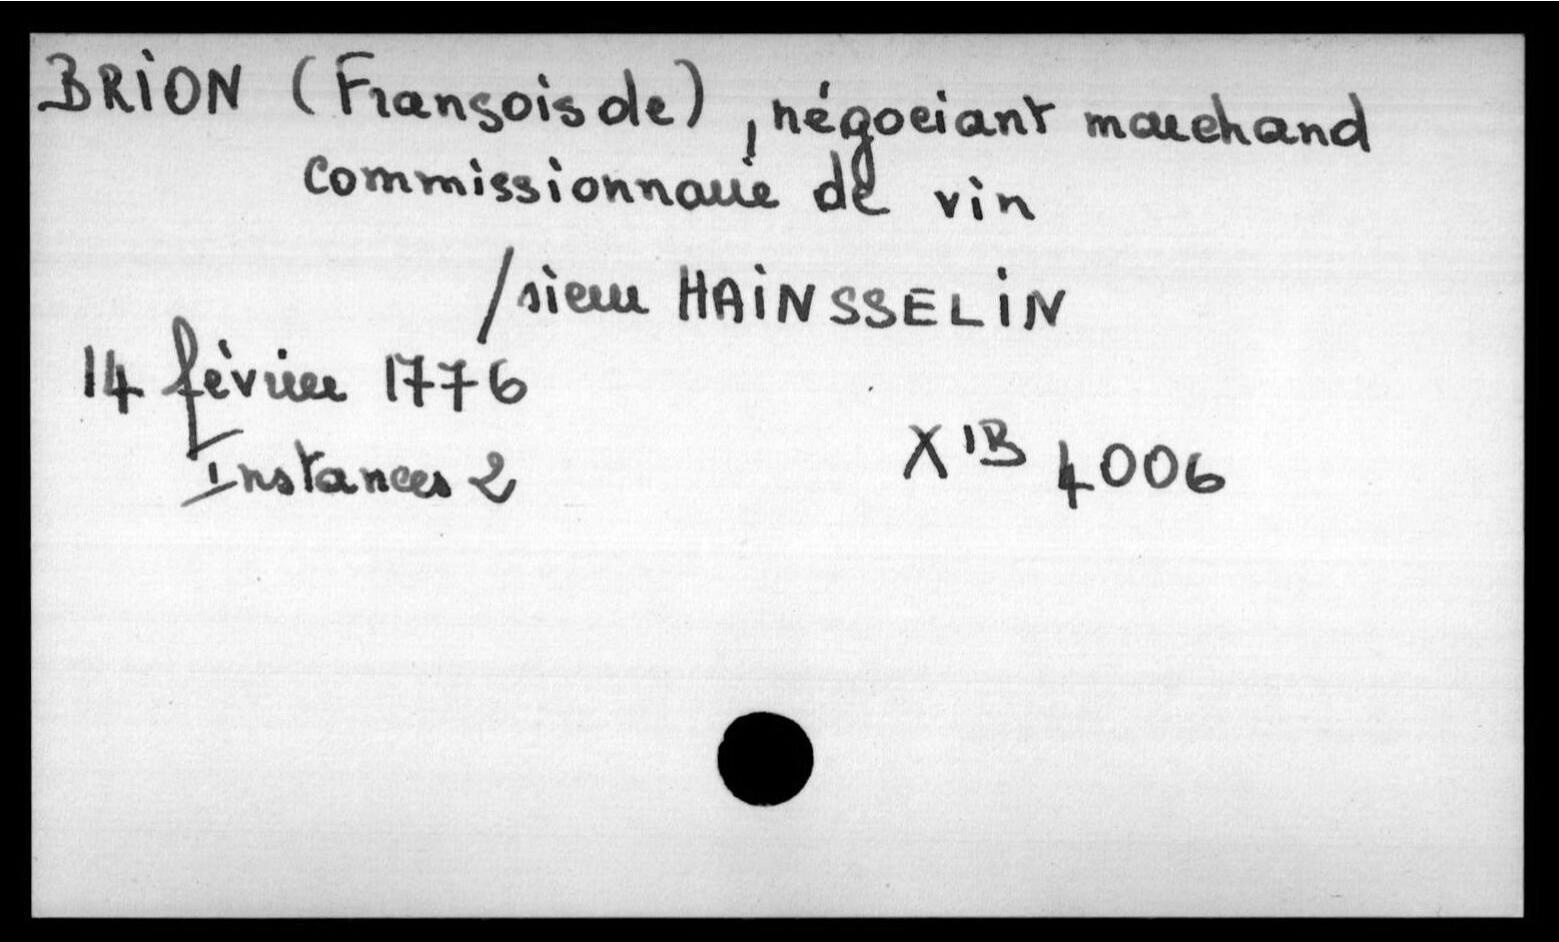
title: BRION (François de), négociant marchand commissionnaire de Vin
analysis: Contre sieur HAINSSELIN
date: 14 février 1776
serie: X1B
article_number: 4006
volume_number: Instances, 2
